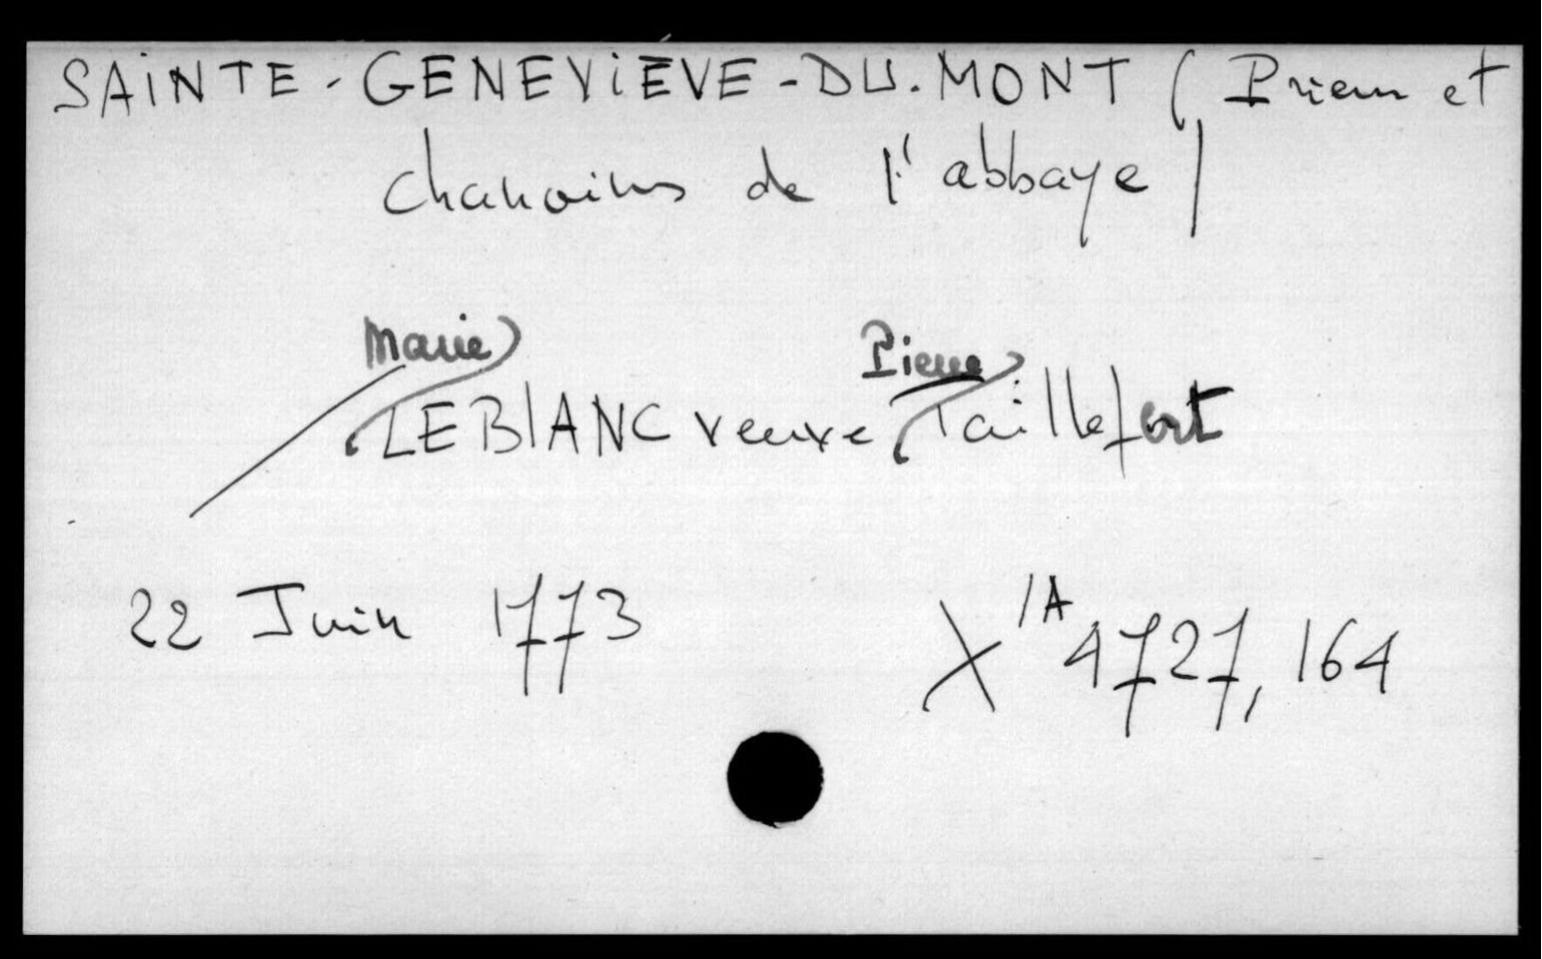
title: SAINTE-GENEVIÈVE-DU- MONT (Prieur et chanoines de l'abbaye)
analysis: Contre Marie LEBLANC veuve Pierre Taillefert
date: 22 juin 1773
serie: X1A
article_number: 4727
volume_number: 164
